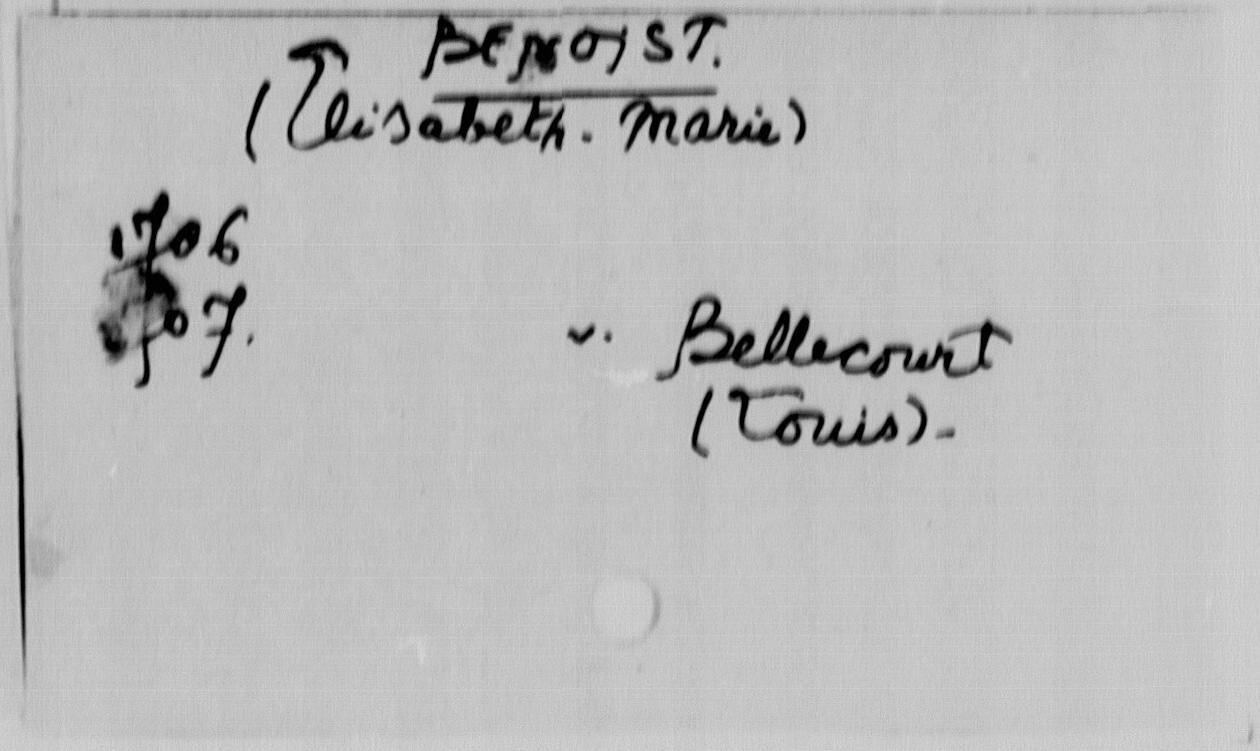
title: BENOIST (Élisabeth-Marie)
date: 1706-1707
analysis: Voir : Bellecourt (Louis)
